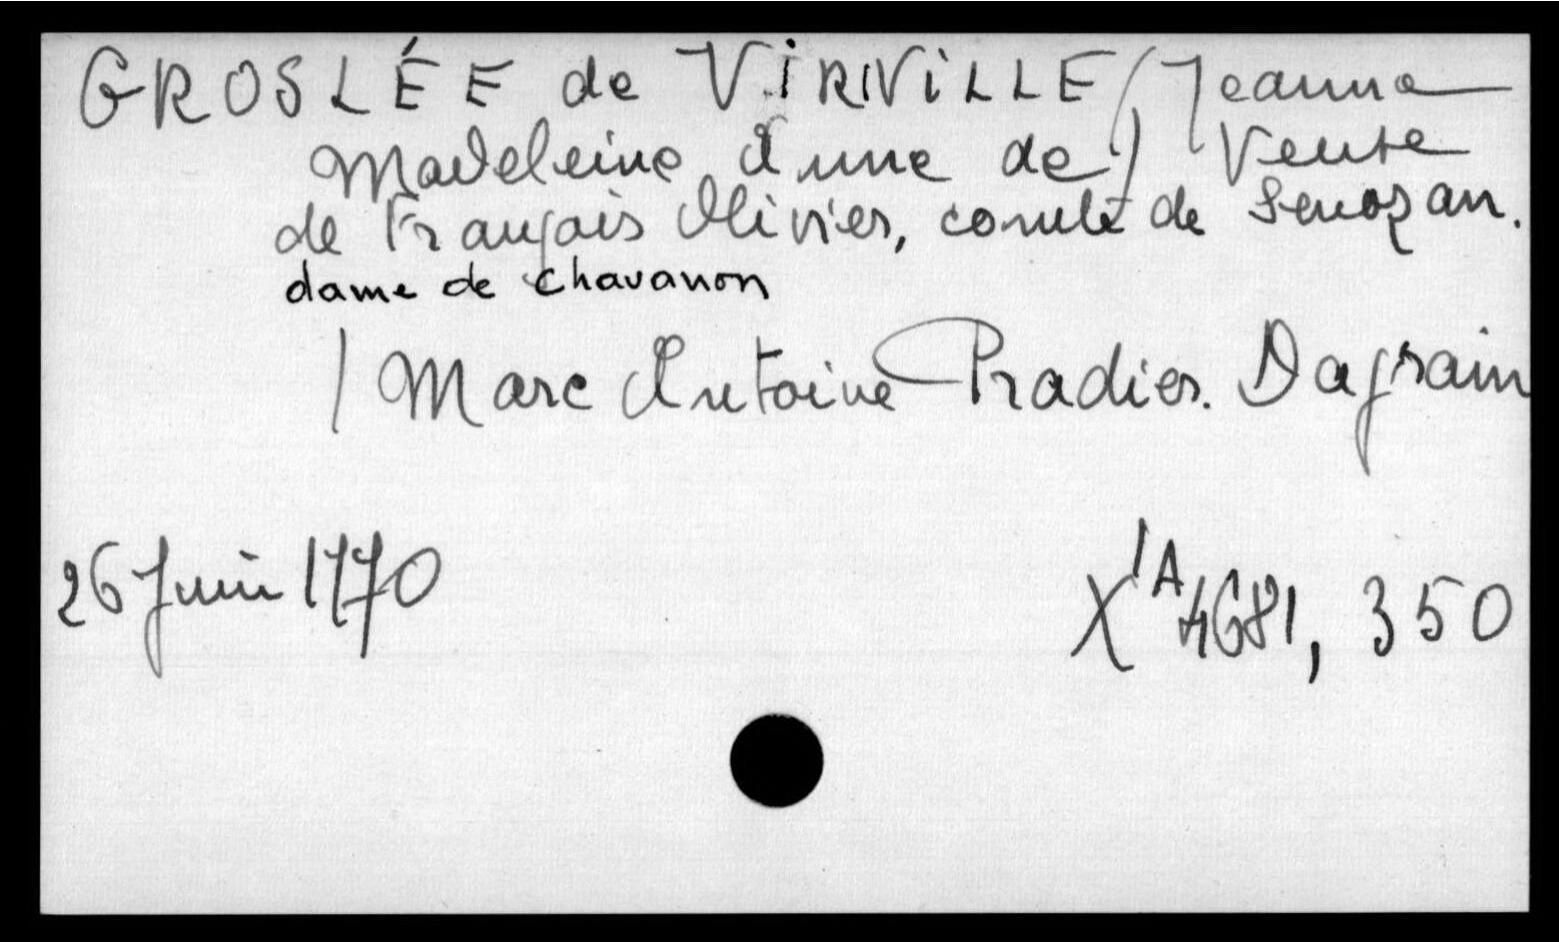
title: GROSLÉE de VIRIVILLE (Jeanne Madeleine dame de), veuve de François Olivier, comte de Senozan, dame de Chavanon
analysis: Contre Marc Antoine Pradier Dagrain
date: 26 juin 1770
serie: X1A
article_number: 4681
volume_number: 350
